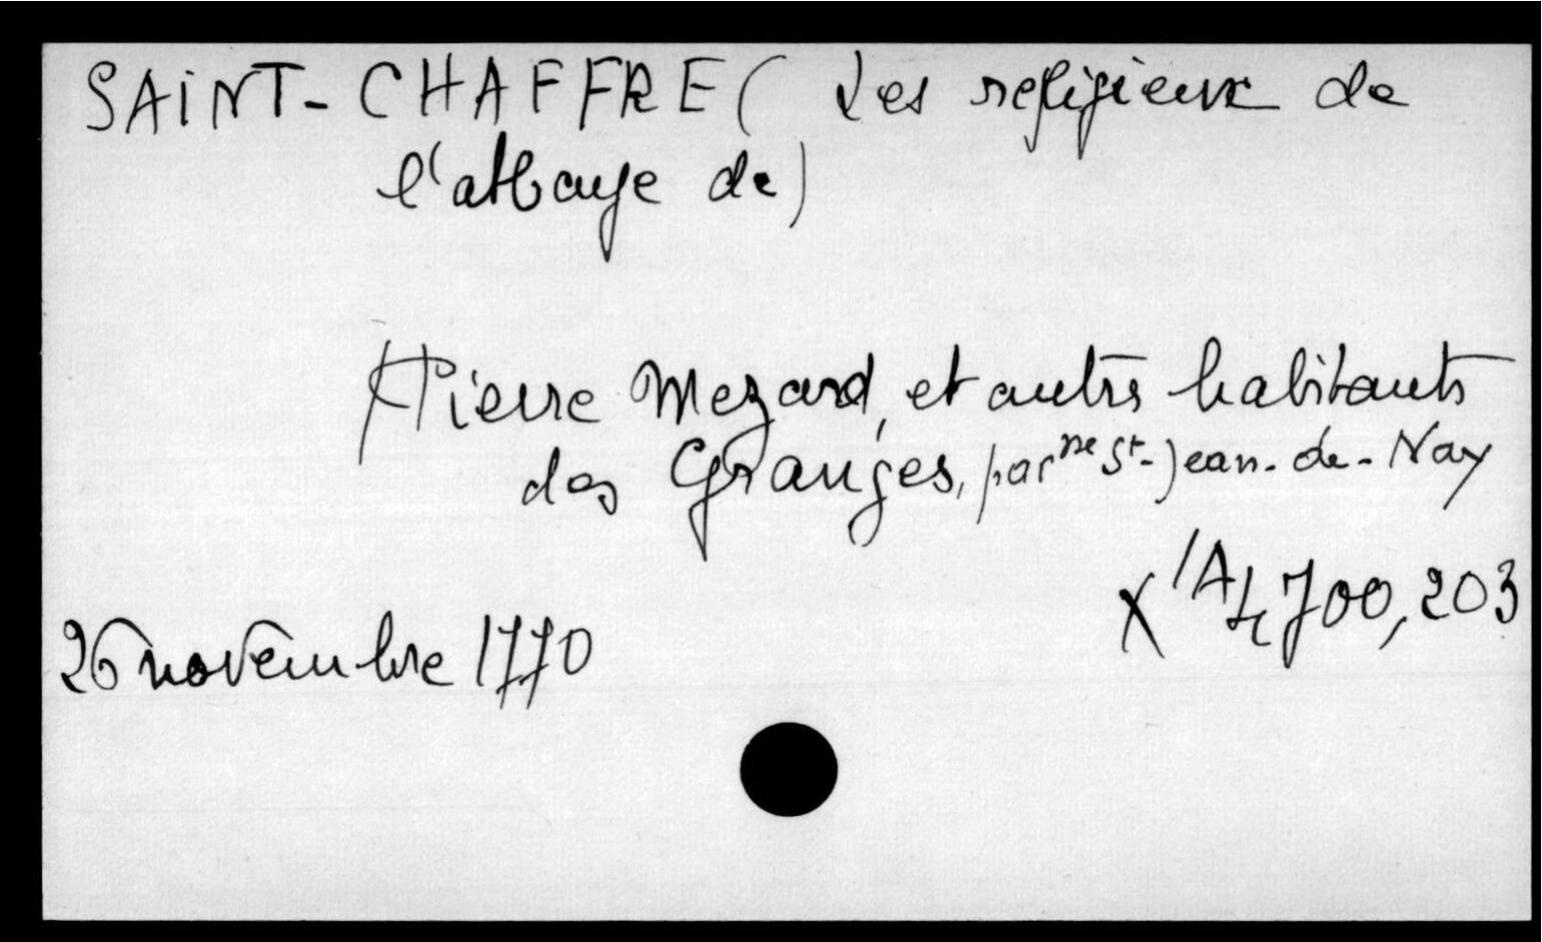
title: SAINT-CHAFFRE (Les religieux de l'abbaye de)
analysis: Contre Pierre Mezard, et autres habitants des Granges, paroisse Saint-Jean de-Nay
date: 26 novembre 1770
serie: X1A
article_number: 4700
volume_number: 203
